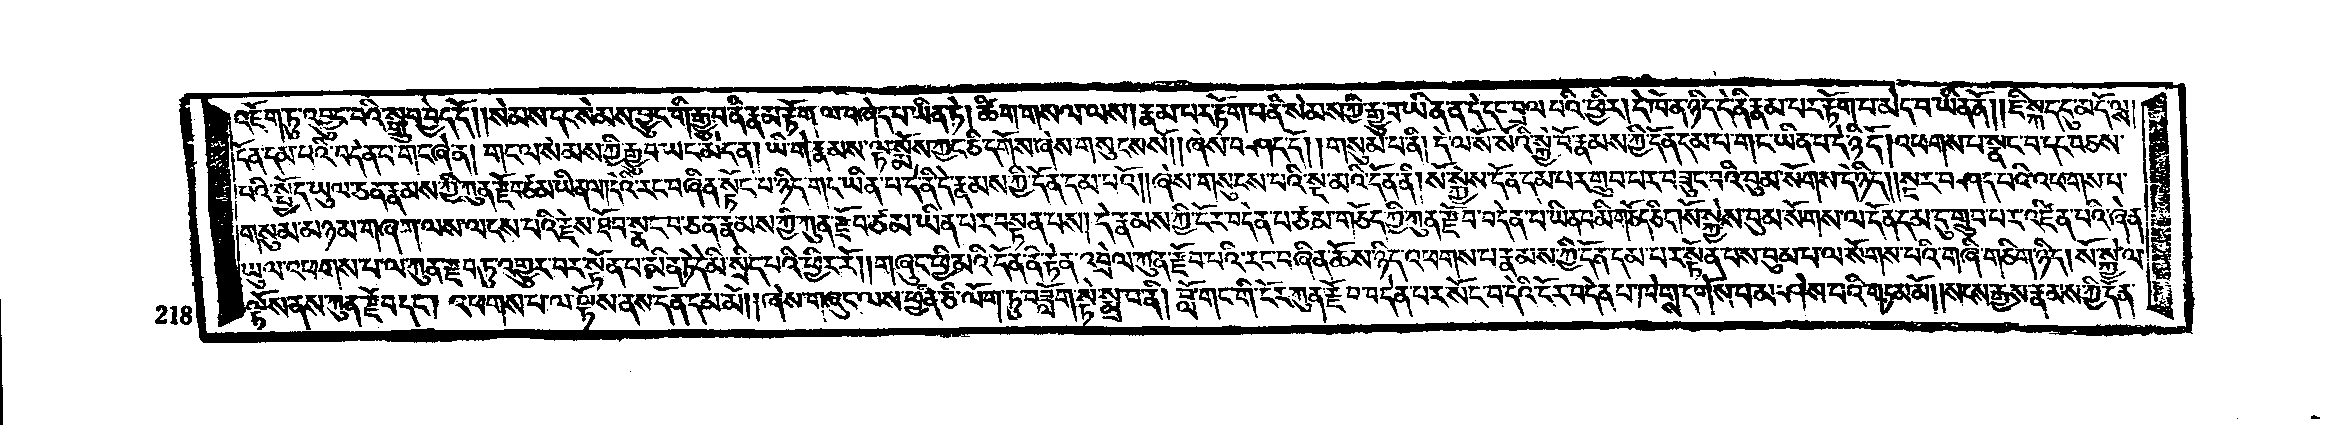འཇོག་ཏུ་འབྱུང་བའི་སྒྲུབ་བྱེད་དོ། །སེམས་དང་སེམས་བྱུང་གི་རྒྱུ་བ་ནི་རྣམ་རྟོག་ལ་བཞེད་པ་ཡིན་ཏེ། ཚིག་གསལ་ལས། རྣམ་པར་རྟོག་པ་ནི་སེམས་ཀྱི་རྒྱུ་བ་ཡིན་ན་དེ་དང་བྲལ་བའི་ཕྱིར། དེ་ཁོ་ན་ཉིད་དེ་ནི་རྣམ་པར་རྟོག་པ་མེད་བ་ཡིན་ནོ། །ཇི་སྐད་དུ་མདོ་ལས།
དོན་དམ་པའི་བདེན་པ་གང་ཞེ་ན། གང་ལ་སེམས་ཀྱི་རྒྱུ་བ་ཡང་མེད་ན། ཡི་གེ་རྣམས་ལྟ་སྨོས་ཀྱང་ཅི་དགོས་ཞེས་གསུངས་སོ། །ཞེས་བཤད་དོ། །གསུམ་པ་ནི། དེ་ལ་སོ་སོའི་སྐྱེ་བོ་རྣམས་ཀྱི་དོན་དམ་པ་གང་ཡིན་པ་དེ་ཉིད་དེ། འཕགས་པ་སྣང་བ་དང་བཅས་
པའི་སྤྱོད་ཡུལ་ཅན་རྣམས་ཀྱི་ཀུན་རྫོབ་ཙམ་ཡིན་ལ། དེའི་རང་བཞིན་སྟོང་པ་ཉིད་གང་ཡིན་པ་དེ་ནི་དེ་རྣམས་ཀྱི་དོན་དམ་པའོ། །ཞེས་གསུངས་པའི་སྔ་མའི་དོན་ནི། སོ་སྐྱེས་དོན་དམ་པར་གྲུབ་པར་བཟུང་བའི་བུམ་སོགས་དེ་ཉིད། །སྔར་བཤད་པའི་འཕགས་པ་
གསུམ་མཉམ་གཞག་ལས་ལངས་པའི་རྗེས་ཐོབ་སྣང་བ་ཅན་རྣམས་ཀྱི་ཀུན་རྫོབ་ཙམ་ཡིན་པར་བསྟན་པས། དེ་རྣམས་ཀྱི་ངོར་བདེན་པ་ཙམ་གཅོད་ཀྱི་ཀུན་རྫོབ་བདེན་པ་ཡིན་པ་མི་གཅོད་ཅིང་། སོ་སྐྱེས་བུམ་སོགས་ལ་དོན་དམ་དུ་གྲུབ་པར་འཛིན་པའི་ཞེན་
ཡུལ་འཕགས་པ་ལ་ཀུན་རྫོབ་ཏུ་འགྱུར་བར་སྟོན་པ་མིན་ཏེ་དེ་མི་སྲིད་པའི་ཕྱིར་རོ། །གཞུང་ཕྱི་མའི་དོན་ནི་རྟེན་འབྲེལ་ཀུན་རྫོབ་པའི་རང་བཞིན་ཆོས་ཉིད་འཕགས་པ་རྣམས་ཀྱི་དོན་དམ་པར་སྟོན་པས་བུམ་པ་ལ་སོགས་པའི་གཞི་གཅིག་ཉིད། སོ་སྐྱེ་ལ་
ལྟོས་ནས་ཀུན་རྫོབ་དང་། འཕགས་པ་ལ་ལྟོས་ནས་དོན་དམ་མོ། །ཞེས་གཞུང་ལས་ཕྱིན་ཅི་ལོག་ཏུ་བཟློག་སྟེ་སྨྲ་བ་ནི། བློ་གང་གི་ངོར་ཀུན་རྫོབ་བདེན་པར་སོང་བ་དེའི་ངོར་བདེན་པ་ཁེགས་དགོས་པ་མ་ཤེས་པའི་གཏམ་མོ། །སངས་རྒྱས་རྣམས་ཀྱི་དོན་